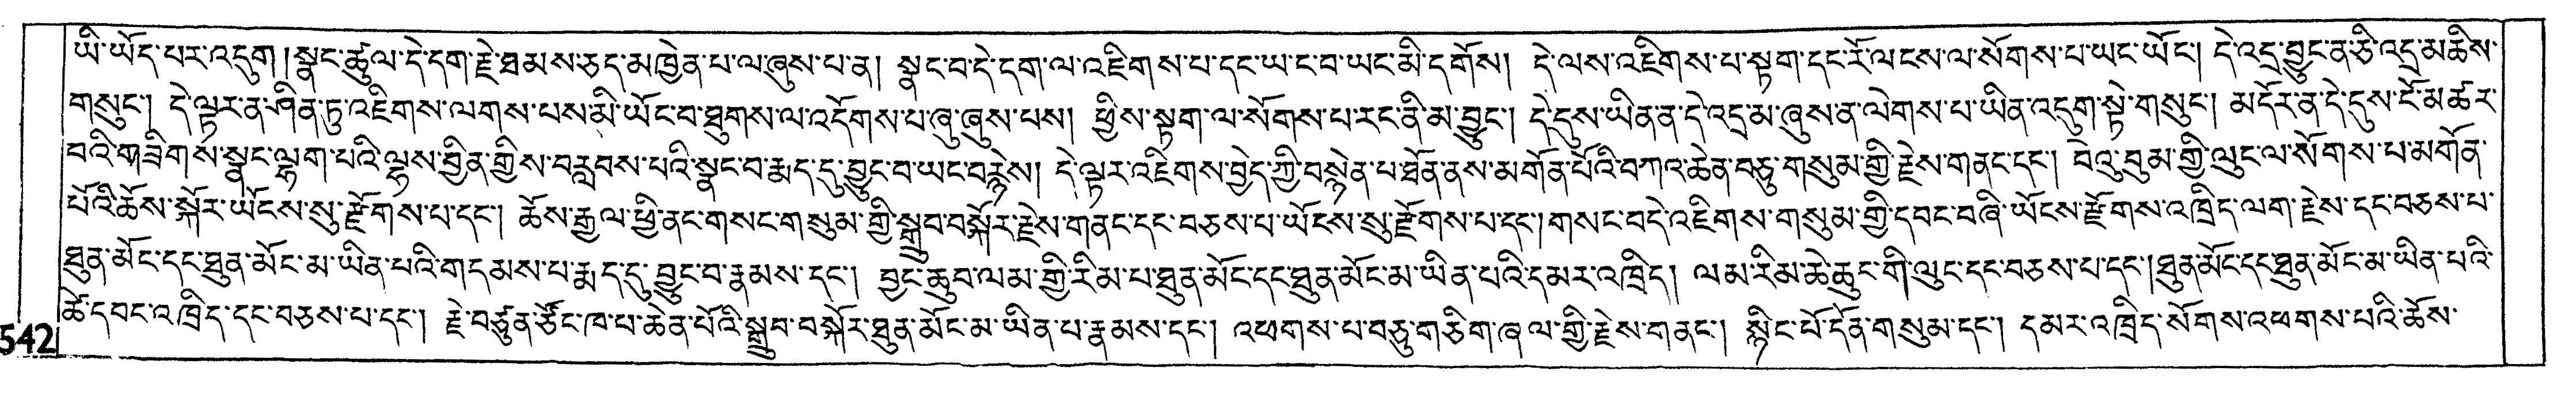ཡི་ཡོད་པར་འདུག །སྣང་ཚུལ་དེ་དག་རྗེ་ཐམས་ཅད་མཁྱེན་པ་ལ་ཞུས་པ་ན། སྣང་བ་དེ་དག་ལ་འཇིགས་པ་དང་ཡ་ང་བ་ཡང་མི་དགོས། དེ་ལས་འཇིགས་པ་སྟག་དང་རོ་ལངས་ལ་སོགས་པ་ཡང་ཡོང་། དེ་འདྲ་བྱུང་ན་ཅི་འདྲ་མཆིས་
གསུང་། དེ་ལྟར་ན་ཤིན་ཏུ་འཇིགས་ལགས་པས་མི་ཡོང་བ་ཐུགས་ལ་འདོགས་པ་ཞུ་ཞུས་པས། ཕྱིས་སྟག་ལ་སོགས་པ་རང་ནི་མ་བྱུང་། དེ་དུས་ཡིན་ན་དེ་འདྲ་མ་ཞུས་ན་ལེགས་པ་ཡིན་འདུག་སྟེ་གསུང་། མདོར་ན་དེ་དུས་ངོ་མཚར་
བའི་གཟིགས་སྣང་ལྷག་པའི་ལྷས་བྱིན་གྱིས་བརླབས་པའི་སྣང་བ་རྨད་དུ་བྱུང་བ་ཡང་བརྙེས། དེ་ལྟར་འཇིགས་བྱེད་ཀྱི་བསྙེན་པ་ཐོན་ནས་མགོན་པོའི་བཀའ་ཆེན་བཅུ་གསུམ་གྱི་རྗེས་གནང་དང་། བེའུ་བུམ་གྱི་ལུང་ལ་སོགས་པ་མགོན་
པོའི་ཆོས་སྐོར་ཡོངས་སུ་རྫོགས་པ་དང་། ཆོས་རྒྱལ་ཕྱི་ནང་གསང་གསུམ་གྱི་སྒྲུབ་བསྐོར་རྗེས་གནང་དང་བཅས་པ་ཡོངས་སུ་རྫོགས་པ་དང་། གསང་བདེ་འཇིགས་གསུམ་གྱི་དབང་བཞི་ཡོངས་རྫོགས་འཁྲིད་ལག་རྗེས་དང་བཅས་པ་
ཐུན་མོང་དང་ཐུན་མོང་མ་ཡིན་པའི་གདམས་པ་རྨད་དུ་བྱུང་བ་རྣམས་དང་། བྱང་ཆུབ་ལམ་གྱི་རིམ་པ་ཐུན་མོང་དང་ཐུན་མོང་མ་ཡིན་པའི་དམར་འཁྲིད། ལམ་རིམ་ཆེ་ཆུང་གི་ལུང་དང་བཅས་པ་དང་། ཐུན་མོང་དང་ཐུན་མོང་མ་ཡིན་པའི་
ཚེ་དབང་འཁྲིད་དང་བཅས་པ་དང་། རྗེ་བཙུན་ཙོང་ཁ་པ་ཆེན་པོའི་སྒྲུབ་བསྐོར་ཐུན་མོང་མ་ཡིན་པ་རྣམས་དང་། འཕགས་པ་བཅུ་གཅིག་ཞལ་གྱི་རྗེས་གནང་། སྙིང་པོ་དོན་གསུམ་དང་། དམར་འཁྲིད་སོགས་འཕགས་པའི་ཆོས་